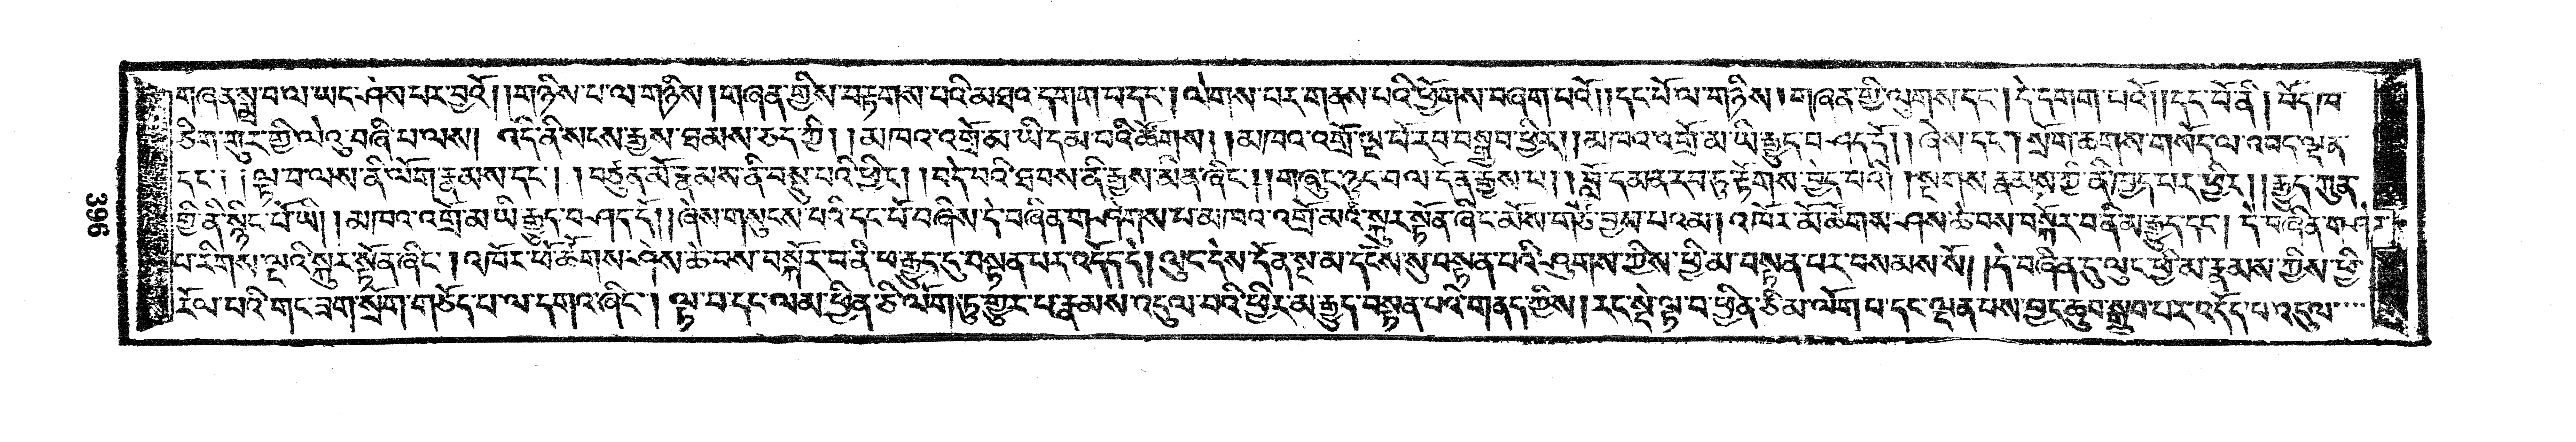གཞན་སྨྲ་བ་ལ་ཡང་ཤེས་པར་བྱའོ། །གཉིས་པ་ལ་གཉིས། གཞན་གྱིས་བརྟགས་པའི་མཐའ་དགག་པ་དང་། ལེགས་པར་གནས་པའི་ཕྱོགས་བཞག་པའོ། །དང་པོ་ལ་གཉིས། གཞན་གྱི་ལུགས་དང་། དེ་དགག་པའོ། །དང་པོ་ནི། བོད་ཁ་
ཅིག་གུར་གྱི་ལེའུ་བཞི་པ་ལས། འདི་ནི་སངས་རྒྱས་ཐམས་ཅད་ཀྱི། །མཁའ་འགྲོ་མ་ཡི་དམ་པའི་ཚོགས། །མཁའ་འགྲོ་ལྔ་པོ་རབ་བསྒྲུབ་ཕྱིར། །མཁའ་འགྲོ་མ་ཡི་རྒྱུད་བཤད་དོ། །ཞེས་དང་། སྲོག་ཆགས་གསོད་ལ་འབད་ལྡན་
དང༑ ༑ལྟ་བ་ལས་ནི་ལོག་རྣམས་དང་། །བཙུན་མོ་རྣམས་ནི་བསྡུ་པའི་ཕྱིར། །བདེ་བའི་ཐབས་ནི་རྒྱས་མིན་ཞིང་། །གཞུང་ཉུང་བ་ལ་དོན་རྒྱས་པ། །བློ་དམན་རབ་ཏུ་རྟོགས་བྱེད་པའི། །སྔགས་རྣམས་ཀྱི་ནི་ཁྱད་པར་ཕྱིར། །རྒྱུད་ཀུན་
གྱི་ནི་སྙིང་པོ་ཡི། །མཁའ་འགྲོ་མ་ཡི་རྒྱུད་བཤད་དོ། །ཞེས་གསུངས་པའི་དང་པོ་བཞིས་དེ་བཞིན་གཤེགས་པ་མཁའ་འགྲོ་མའི་སྐུར་སྟན་ཞིང་མོས་གཙོ་བྱས་པའམ། །འཁོར་མོ་ཚོགས་ཤེས་ཆེ་བས་བསྐོར་བ་ནི་མ་རྒྱུད་དང་། དེ་བཞིན་གཤེཌ་
པ་རིགས་ལྔའི་སྐུར་སྟོན་ཞིང་། འཁར་ཕོ་ཚོགས་ཤས་ཆེ་བས་བསྐོར་བ་ནི་ཕ་རྒྱུད་དུ་བསྟན་པར་འདོད་དེ། ལུང་དེས་དོན་སྔ་མ་དངོས་སུ་བསྟན་པའི་ཤུགས་ཀྱིས་ཕྱི་མ་བསྟན་པར་བསམས་སོ། །དེ་བཞིན་དུ་ལུང་ཕྱི་མ་རྣམས་ཀྱིས་ཕྱི་
རོལ་པའི་གང་ཟག་སྲོག་གཅོད་པ་ལ་དགའ་ཞིང་། ལྟ་བ་དང་ལམ་ཕྱིན་ཅི་ལོག་ཏུ་གྱུར་པ་རྣམས་འདུལ་བའི་ཕྱིར་མ་རྒྱུད་བསྟན་པའི་གནད་ཀྱིས། རང་སྡེ་ལྟ་བ་ཕྱིན་ཅི་མ་ལོག་པ་དང་ལྡན་པས་བྱང་ཆུབ་སྒྲུབ་པར་འདོད་པ་འདུལ་